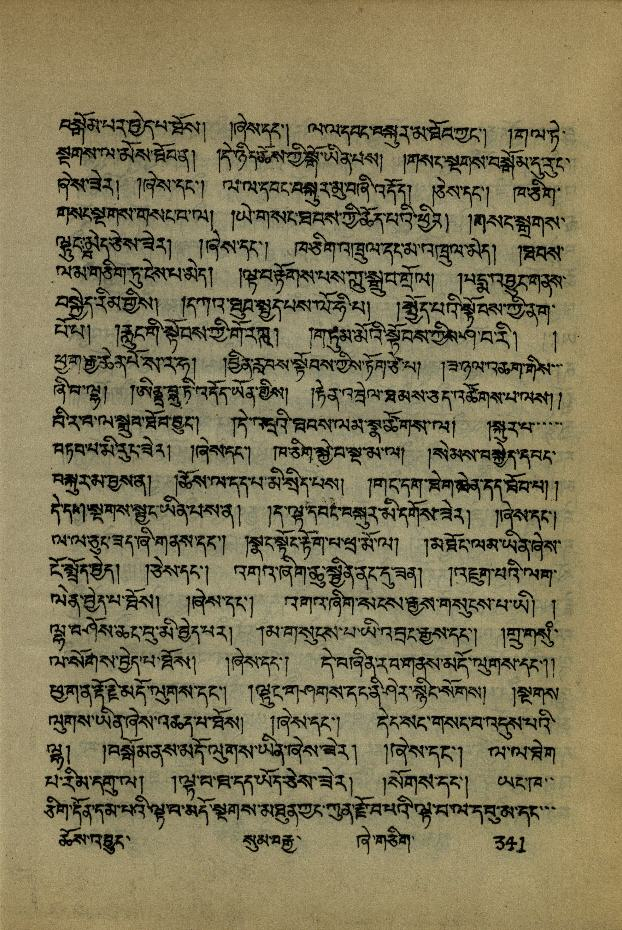བསྒོམ་པར་བྱེད་པ་ཐོས། །ཞེས་དང་། ལ་ལ་དབང་བསྐུར་མ་ཐོབ་ཀྱང་། །གལ་ཏེ་
སྔགས་ལ་མོས་ཐོབ་ན། །དེ་ཉིད་ཆོས་ཀྱི་སྒོ་ཡིན་པས། །གསང་སྔགས་བསྒོམ་དུ་རུང་
ཞེས་ཟེར། །ཞེས་དང་། ལ་ལ་དབང་བསྐུར་མུ་བཞི་འདོད། །ཅེས་དང་། ཁ་ཅིག་
གསང་སྔགས་གསང་བ་ལ། །ཡེ་གསང་ཐབས་ཀྱི་ཆོད་པའི་ཕྱིར། །གསང་སྒྲགས་
ལྟུང་བ་མེད་ཅེས་ཟེར། །ཞེས་དང་། ཁ་ཅིག་འཁྲུལ་དང་མ་འཁྲུལ་མེད། །ཐབས་
ལམ་གཅིག་ཏུ་ངེས་པ་མེད། །ལྟ་བ་རྟོགས་པས་ཀླུ་སྒྲུབ་གྲོལ། །པདམ་འབྱུང་གནས་
བསྐྱེད་རིམ་གྱིས། །དཀའ་ཐུབ་སྤྱད་པས་ལོ་ཧི་པ། །སྤྱོད་པའི་སྟོབས་ཀྱི་ནག་
པོ་པ། །རླུང་གི་སྟོབས་ཀྱི་གོ་རཀྵ། །གཏུམ་མོའི་སྟོབས་ཀྱིས་ཤ་བ་རི།།
ཕྱག་རྒྱ་ཆེན་པོ་ས་ར་ཧ། །བྱིན་རླབས་སྟོབས་ཀྱིས་ཏོག་ཙེ་པ། །ཟ་ཉལ་འཆག་གིས་
ཞི་བ་ལྷ། །ཨིནྡྲ་བྷུ་ཏི་འདོད་ཡོན་གྱིས། །རྟེན་འབྲེལ་ཐམས་ཅད་འཚོགས་པ་ལས།།
བི་ར་བ་ལ་སྒྲུབ་ཐོབ་བྱུང་། །དེ་འདྲའི་ཐབས་ལམ་སྣ་ཚོགས་ལ། །སྐུར་པ་
བཏབ་པ་མི་རུང་ཟེར། །ཞེས་དང་། ཁ་ཅིག་སྐྱེ་བ་སྔ་མ་ལ། །སེམས་བསྐྱེད་དབང་
བསྐུར་མ་བྱས་ན། །ཆོས་ལ་དད་པ་མི་སྲིད་པས། །གང་དག་ཐེག་ཆེན་དད་ཐོབ་པ།།
དེ་དག་སྔགས་སྦྱང་ཡིན་པས་ན། །ད་ལྟ་དབང་བསྐུར་མི་དགོས་ཟེར། །ཞེས་དང་།
ལ་ལ་ཅུང་ཟད་ཞི་གནས་དང་། །སྣང་སྟོང་རྟོག་པ་ཕྲ་མོ་ལ། །མཐོང་ལམ་ཡིན་ཞེས་
ངོ་སྤྲོད་བྱེད། །ཅེས་དང་། འགའ་ཞིག་ཆུ་སྦྱིན་ནང་དུ་ཟན། །འཇུག་པའི་ལག་
ལེན་བྱེད་པ་ཐོས། ཞེས་དང་། འགའ་ཞིག་སངས་རྒྱས་གསུངས་པ་ཡི།།
ལྷ་བཤོས་ཆང་བུ་མི་བྱེད་པར། །མ་གསུངས་པ་ཡི་འབྲང་རྒྱས་དང་། །གྲུ་གསུཾ་
ལ་སོགས་བྱེད་པ་ཐོས། །ཞེས་དང་། དེ་བཞིན་རབ་གནས་མདོ་ལུགས་དང།།
ཕྱག་ན་རྡོ་རྗེ་མདོ་ལུགས་དང་། །ལྟུང་གཤགས་དང་ནི་ཤེར་སྙིང་སོགས། །སྔགས་
ལུགས་ཡིན་ཞེས་འཆད་པ་ཐོས། །ཞེས་དང་། དེང་སང་གསང་བ་འདུས་པའི་
ལྷ། །བསྒོམ་ནས་མདོ་ལུགས་ཡིན་ཞེས་ཟེར། །ཞེས་དང་། །ལ་ལ་ཐེག་
པ་རིམ་དགུ་ལ། །ལྟ་བ་ཐ་དད་ཡོད་ཅེས་ཟེར། །སོགས་དང་། ཡང་ཁ་
ཅིག་དོན་དམ་པའི་ལྟ་བ་མདོ་སྔགས་མཐུན་ཀྱང་ཀུན་རྫོབ་པའི་ལྟ་བ་ལ་དབུ་མ་དང་